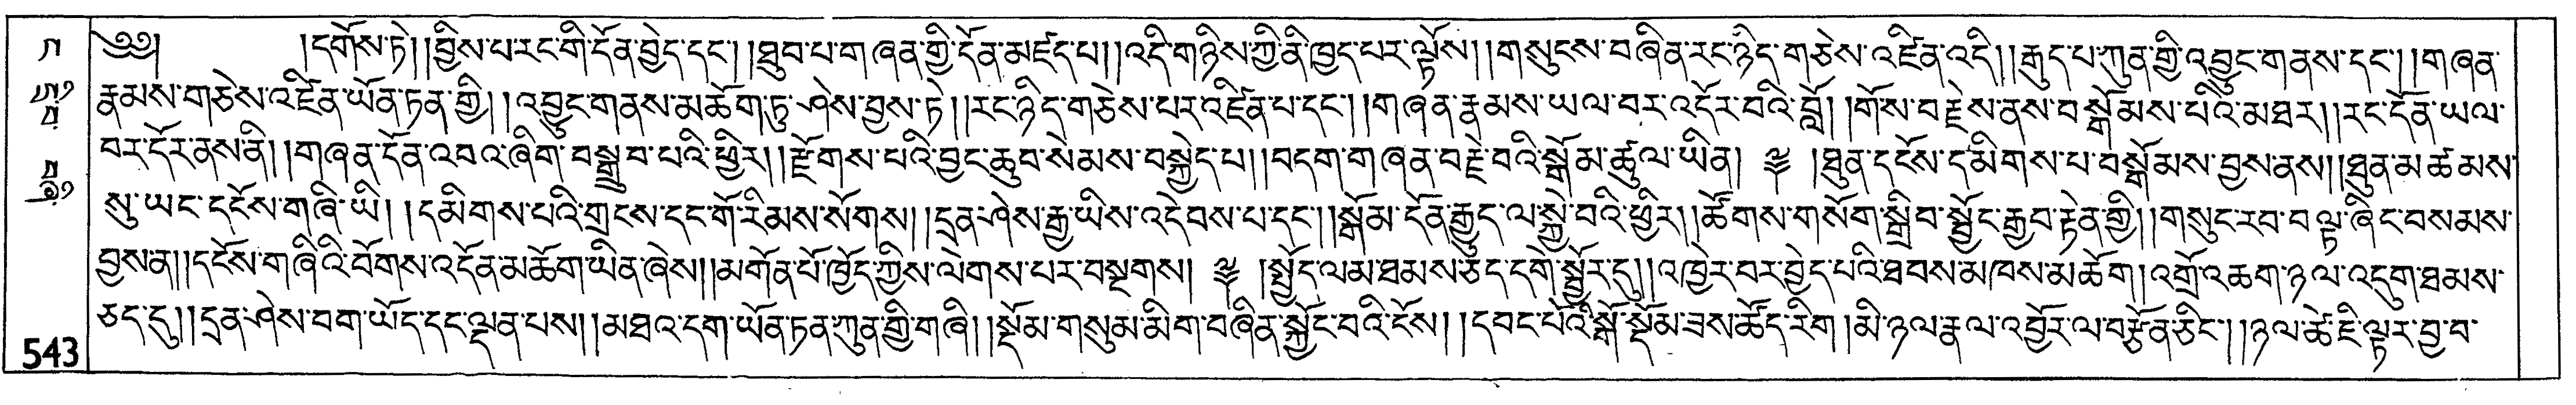༄༅། །དགོས་ཏེ། །བྱིས་པ་རང་གི་དོན་བྱེད་དང་། །ཐུབ་པ་གཞན་གྱི་དོན་མཛད་པ། །འདི་གཉིས་ཀྱི་ནི་ཁྱད་པར་ལྟོས། །གསུངས་བཞིན་རང་ཉིད་གཅེས་འཛིན་འདི། །རྒུད་པ་ཀུན་གྱི་འབྱུང་གནས་དང་། །གཞན་
རྣམས་གཅེས་འཛིན་ཡོན་ཏན་གྱི། །འབྱུང་གནས་མཆོག་ཏུ་ཤེས་བྱས་ཏེ། །རང་ཉིད་གཅེས་པར་འཛིན་པ་དང་། །གཞན་རྣམས་ཡལ་བར་འདོར་བའི་བློ། །གོ་ས་བརྗེས་ནས་བསྒོམས་པའི་མཐར། །རང་དོན་ཡལ་
བར་དོར་ནས་ནི། །གཞན་དོན་འབའ་ཞིག་བསྒྲུབ་པའི་ཕྱིར། །རྫོགས་པའི་བྱང་ཆུབ་སེམས་བསྐྱེད་པ། །བདག་གཞན་བརྗེ་བའི་སྒོམ་ཚུལ་ཡིན། ༈ །ཐུན་དངོས་དམིགས་པ་བསྒོམས་བྱས་ནས། །ཐུན་མཚམས་
སུ་ཡང་དངོས་གཞི་ཡི། །དམིགས་པའི་གྲངས་དང་གོ་རིམས་སོགས། །དྲན་ཤེས་རྒྱ་ཡིས་འདེབས་པ་དང་། །སྒོམ་དོན་རྒྱུད་ལ་སྐྱེ་བའི་ཕྱིར། །ཚོགས་གསོག་སྒྲིབ་སྦྱོང་རྒྱབ་རྟེན་གྱི། །གསུང་རབ་བལྟ་ཞིང་བསམས་
བྱས་ན། །དངོས་གཞིའི་བོགས་འདོན་མཆོག་ཡིན་ཞེས། །མགོན་པོ་ཁྱོད་ཀྱིས་ལེགས་པར་བསྔགས། ༈ །སྤྱོད་ལམ་ཐམས་ཅད་དགེ་སྦྱོར་དུ། །འཁྱེར་བར་བྱེད་པའི་ཐབས་མཁས་མཆོག །འགྲོ་འཆག་ཉལ་འདུག་ཐམས་
ཅད་དུ། །དྲན་ཤེས་བག་ཡོད་དང་ལྡན་པས། །མཐའ་དག་ཡོན་ཏན་ཀུན་གྱི་གཞི། །སྡོམ་གསུམ་མིག་བཞིན་སྐྱོང་བའི་ངོས། །དབང་པོའི་སྒོ་སྡོམ་ཟས་ཚོད་རིག །མི་ཉལ་རྣལ་འབྱོར་ལ་བརྩོན་ཅིང་། །ཉལ་ཚེ་ཇི་ལྟར་བྱ་བ་